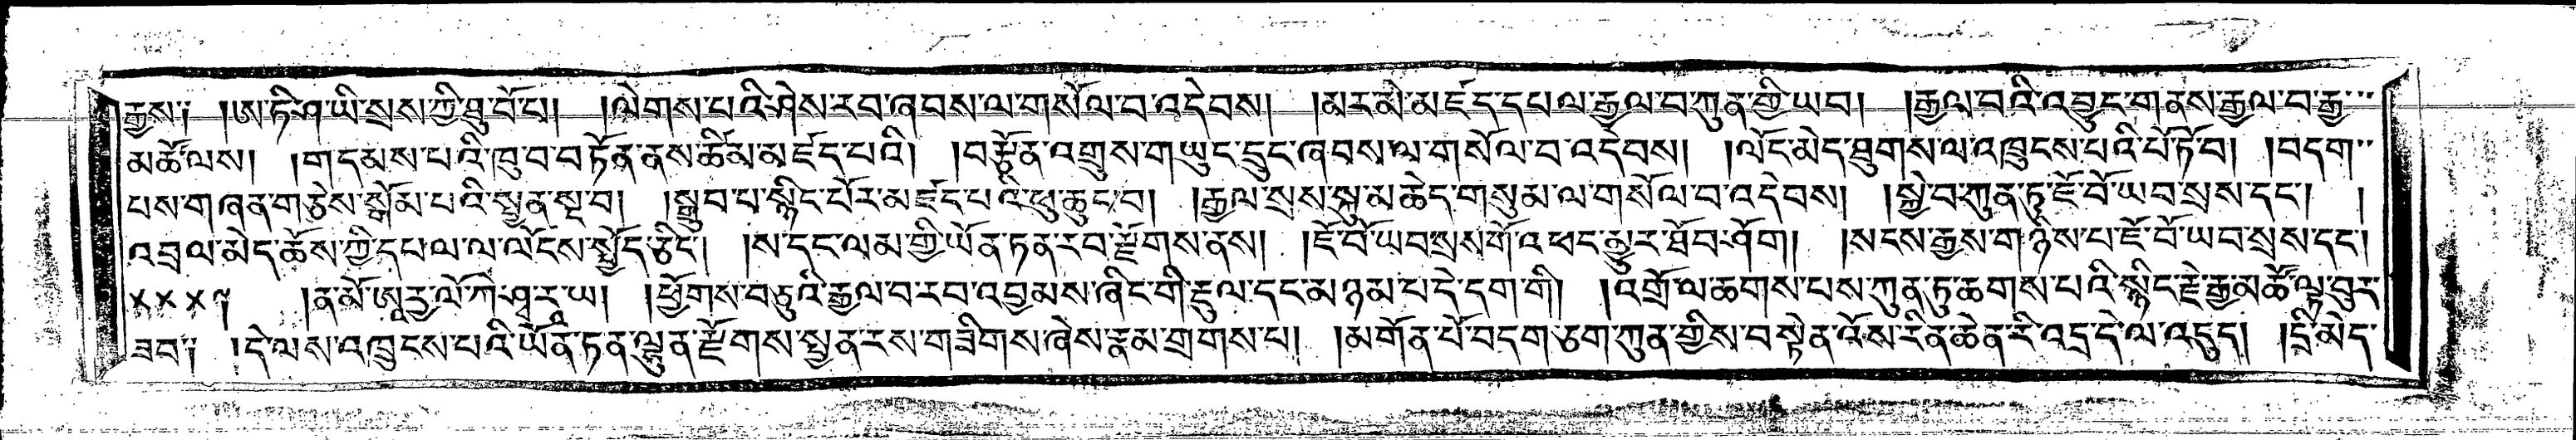རྒྱས༑ །ཨ་ཏི་ཤ་ཡི་སྲས་ཀྱི་ཐུ་བོ་པ། །ལེགས་པའི་ཤེས་རབ་ཞབས་ལ་གསོལ་བ་འདེབས། །མར་མེ་མཛད་དཔལ་རྒྱལ་བ་ཀུན་གྱི་ཡབ། །རྒྱལ་བའི་འབྱུང་གནས་རྒྱལ་བ་རྒྱ་
མཚོ་ལས། །གདམས་པའི་ཁུ་བ་བཏོན་ནས་ཚིམ་མཛད་པའི། །བརྩོན་འགྲུས་གཡུང་དྲུང་ཞབས་ལ་གསོལ་བ་འདེབས། །ལོང་མེད་ཐུགས་ལ་འཁྲུངས་པའི་པོ་ཏོ་བ། །བདག་
པས་གཞན་གཅེས་སྒོམ་པའི་སྤྱན་སྔ་བ། །སྒྲུབ་པ་སྙིང་པོར་མཛད་པའི་ཕུ་ཆུང་བ། །རྒྱལ་སྲས་སྐུ་མཆེད་གསུམ་ལ་གསོལ་བ་འདེབས། །སྐྱེ་བ་ཀུན་ཏུ་ཇོ་བོ་ཡབ་སྲས་དང་། །
འབྲལ་མེད་ཆོས་ཀྱི་དཔལ་ལ་ལོངས་སྤྱོད་ཅིང་། །ས་དང་ལམ་གྱི་ཡོན་ཏན་རབ་རྫོགས་ནས། །ཇོ་བོ་ཡབ་སྲས་གོ་འཕང་མྱུར་ཐོབ་ཤོག །སངས་རྒྱས་གཉིས་པ་ཇོ་བོ་ཡབ་སྲས་དང་།
{྾྾྾}་༈ །ན་མོ་ཨཱརྱ་ལོ་ཀེ་ཤྭ་རཱ་ཡ། །ཕྱོགས་བཅུའི་རྒྱལ་བ་རབ་འབྱམས་ཞིང་གི་རྡུལ་དང་མཉམ་པ་དེ་དག་གི། །འགྲོ་ལ་ཆགས་པས་ཀུན་ཏུ་ཆགས་པའི་སྙིང་རྗེ་རྒྱ་མཚོ་ལྟ་བུར་
ཟབ༑ །དེ་ལས་འཁྲུངས་པའི་ཡོན་ཏན་ལྷུན་རྫོགས་སྤྱན་རས་གཟིགས་ཞེས་རྣམ་གྲགས་པ། །མགོན་པོ་བདག་ཅག་ཀུན་གྱིས་བསྟེན་འོས་རིན་ཆེན་རི་འདྲ་དེ་ལ་འདུད། །དྲི་མེད་